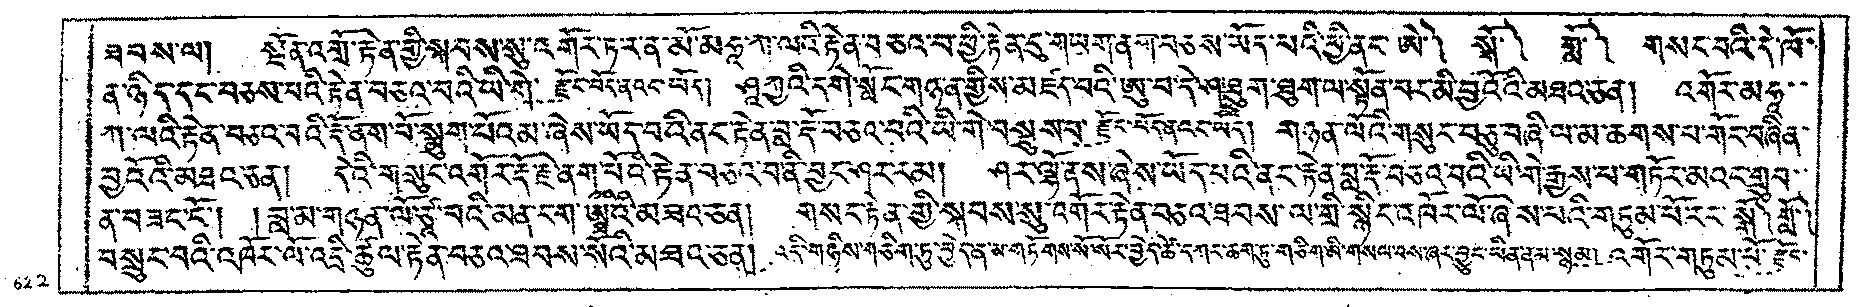ཐབས་ལ། སྔོན་འགྲོ་རྟེན་གྱི་སྐབས་སུ་འགོར་ཏ་ར་ན་མོ་མཧཱ་ཀ་ལའི་རྟེན་བཅའ་བ་ཕྱི་རྟེན་དུ་གཡག་ནག་བཅས་ཡོད་པའི་ཕྱི་ནང་ཨ྄ེ་སྒ྄ོ་གླ྄ོ་གསང་བའི་དེ་ཁོ་
ན་ཉིད་དང་བཅས་པའི་རྟེན་བཅའ་བའི་ཡི་གེ་རྫོང་པོད་ནའང་ཡོད།  ཤཱཀྱའི་དགེ་སློང་གཉན་གྱིས་མཛད་པའི་ཨུ་པ་དེ་ཤ་སུ་ཐུག་ཐུག་ལ་སྟོན་པར་མི་བྱའོའི་མཐའ་ཅན། འགོར་མཧཱ་
ཀ་ལའི་རྟེན་བཅའ་བའི་རྡོ་ནག་པོ་སྨུག་པོའམ་ཞེས་ཡོད་པའི་ནང་རྟེན་བླ་རྡོ་བཅའ་བའི་ཡི་གེ་བསྡུས་པ་རྫོང་པོད་ནའང་ཡོད།  གཉན་ལོའི་གསུང་བཅུ་བཞི་ལ་མ་ཆགས་པ་གོང་བཞིན་
བྱའོའི་མཐའ་ཅན། དེའི་གསུང་འགོར་རྡོ་རྗེ་ནག་པོའི་རྟེན་བཅའ་བ་ནི་བྱང་ཤར་རམ། ཤར་ལྷོ་ནས་ཞེས་ཡོད་པའི་ནང་རྟེན་བླ་རྡོ་བཅའ་བའི་ཡི་གེ་རྒྱས་པ་གཏོར་མའང་གྲུབ་
ན་བཟང་ངོ། །བླ་མ་གཉན་ལོ་ཙཱ་བའི་མན་ངག་ཨྀཐིའི་མཐའ་ཅན། གསང་རྟེན་གྱི་སྐབས་སུ་འགོར་རྟེན་བཅའ་ཐབས་ལ་གྲི་སྙིང་འཁོར་ལོ་ཞེས་པའི་གཏུམ་པོ་རང་སྒ྄ོ་གླ྄ོ
བསྲུང་བའི་འཁོར་ལོ་འདྲི་ཚུལ་རྟེན་བཅའ་ཐབས་སོའི་མཐའ་ཅན། འདི་གཉིས་གཅིག་ཏུ་བྱེད་ན་མ་གཏོགས་སོ་སོར་བྱེད་ཚེ་དཀར་ཆག་ཏུ་གཅིག་མི་གསལ་བས་ཞར་བྱུང་ཡིན་ནམ་སྙམ།  འགོར་གཏུམ་པོ་རྫོང་